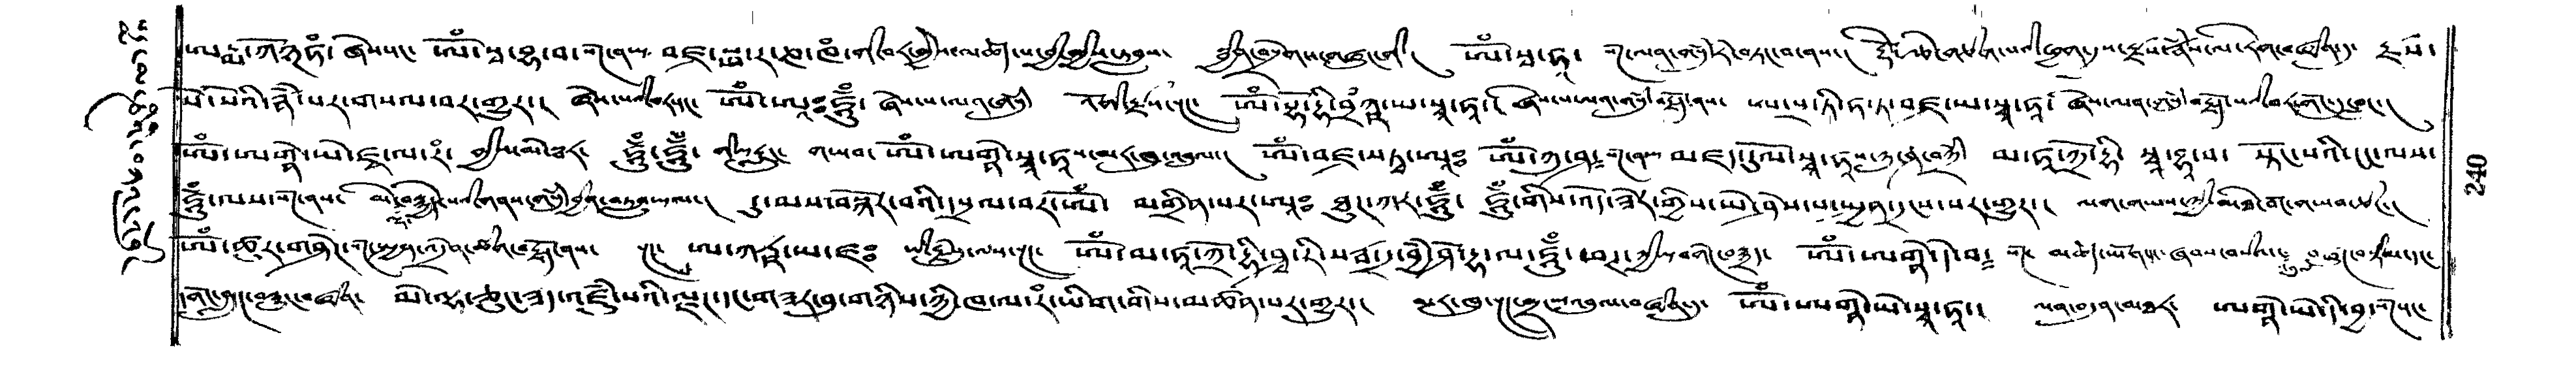ཨཏྨ་ཀོ྅་ཧཾ། ཞེས་དང་། ཨོཾ་སྭ་བྷ་བ༴ སོགས་ནས། བཛྲ་སྥ་ར་ཎ་ཁཾ། བར་གྱིས་མཆོད་པ་བྱིན་གྱིས་བརླབ། སྦྱིན་སྲེག་གཞུང་གི ཨོཾ་སྭ་ཧཱ༴ སོགས་ལན་གསུམ་རེ་བཏང་བ་ནས། རྡོ་རྗེ་རྩེ་གཅིག་པའི་ཕྱག་རྒྱས་རྫས་རྣམས་ལ་རེག་བཞིན་དུ། རྫས་
སོ་སོའི་རྣམ་པར་གསལ་བར་གྱུར།ཞེས་པའི་བར་དང་། ཨོཾ་ཨཱཿཧཱུྃ། ཞེས་པ་ལན་གསུམ། འོག་གི་རྫས་སྔགས། ཨོཾ་བྷོ་དྷི་བྲྀཀྵ་ཡ་སྭ་ཧཱ། ཞེས་པ་ལན་གསུམ་བརྗོད་ནས། ཨ་པྲ་ཏི་ཧ་ཏ་བཛྲ་ཡ་སྭ་ཧཱ། ཞེས་ལན་གསུམ་བརྗོད་པའི་བར་གོང་དུ་བླང་། 
ཨོཾ་ཨགྣེ་ཡེ་ཛྭ་ལ་རྃ་གྱིས་མེ་སྦར། ཧཱུྃ་ཧཱུྃ༴ གིས་རླུང་གཡབ། ཨོཾ་ཨགྣེ་སྭ་ཧཱ ས་མར་ཁུ་འབུལ། ཨོཾ་བཛྲ་སཏྭ་ཨཱཿ ཨོཾ་ཀུ་ཤ་༴ སོགས་ནས། མཛད་དུ་གསོལ། སྭ་ཧཱ ས་ཀུ་ཤ་དགྲམ། མ་ཧཱ་ཀྲོ་དྷི༴ སྭ་བྷཱ་བ༴ སྟོང་པའི་ངང་ལས་
ཧཱུྃ་ལས༴ སོགས་ནས། མེ་ལྷ་སྐྱེད་པའི་གནས་གསུམ་བྱིན་གྱིས་བརླབས་ལ། དུ་མས་བསྐོར་བའི་དཔྲལ་བར་ཨོཾ། མགྲིན་པར་ཨཱཿ ཐུགས་ཀར་ཧཱུྃ། ཧཱུྃ་གིས་འོད་ཟེར་གྱིས་ཡེ་ཤེས་པ་སྤྱན་དྲངས་པར་གྱུར། ལག་གཡས་ཀྱི་མཐེ་བོང་གཡབ་ཅིང་། 
ཨོཾ་ཚུར་གཤེགས་སོགས་སྤྱན་འདྲེན་ཚིག་བརྗོད་ནས། སྔགས། ཨ་ཀརྵ་ཡ་ཛཿ ཡི་རྗེས་སུ་ལས་སྔགས། ཨོཾ་མ་ཧཱ་ཀྲོ་དྷི་ཤྭ་རི་སརྦ་དྲ་བྱམ་ཤོ་དྷ་ཡ་ཧཱུྃ་ཕཊ། ཞེས་བགེགས་བསྐྲད། ཨོཾ་ཨགྣེ་དེ་བྱ༴ སོགས་མཆོད་ཡོན་དང་ཞབས་བསིལ་ཕུལ། གཞུག་བསྟིམ་དང་
དགང་བླུག་འཛིན་བཞིན། མེ་ལྷ་ཅུང་ཟད་འཛུམ་པའི་ལྗགས་དང་གཟར་བུ་གཉིས་ཀྱི་ཁ་ལ་རྃ་ཡིག་གིས་མཚན་པར་གྱུར། མར་ཁུ་སྔགས་གྲངས་འབུལ་བཞིན་དུ། ཨོཾ་ཨགྣེ་ཡེ་སྭ་ཧཱ། ལན་བདུན་མཐར། ཨགྣེ་ཡེ་དེ་བྱ༴ སོགས་དང་།